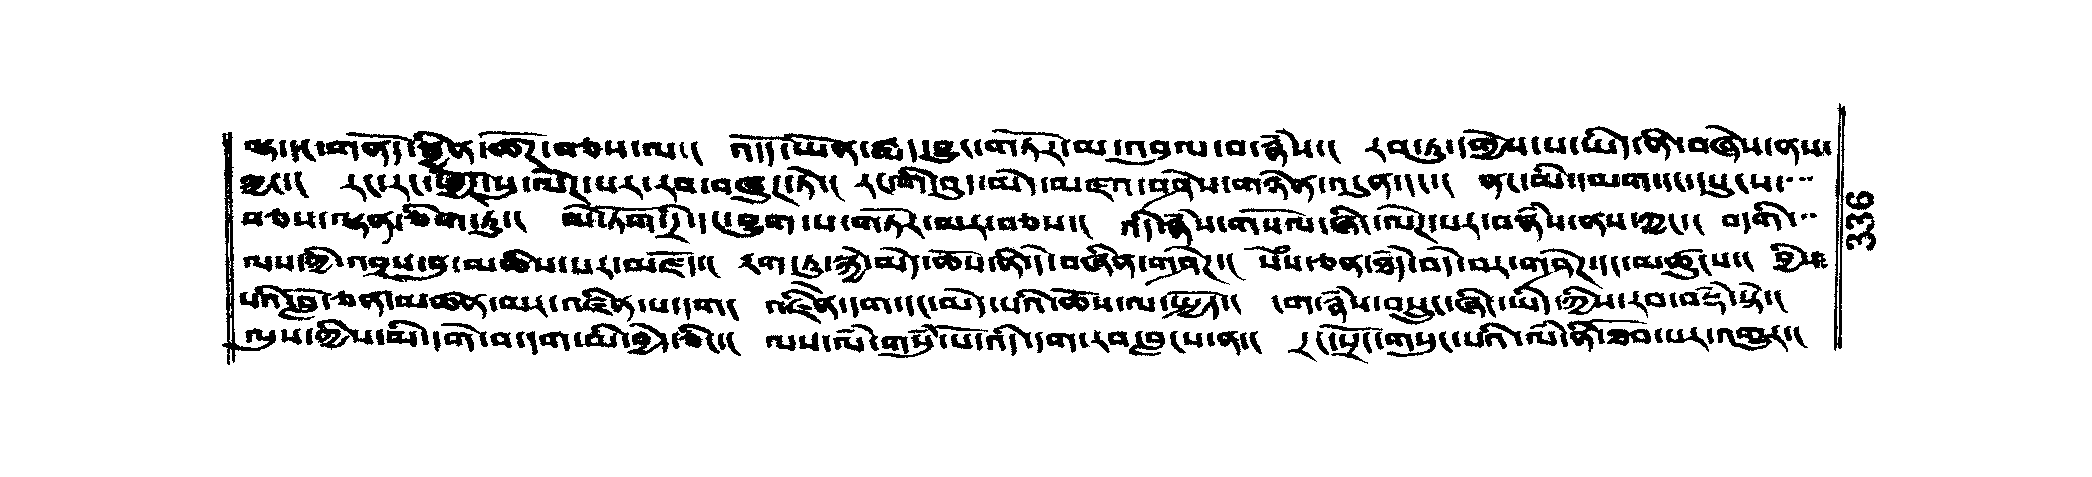ལྷ་དང་གནོད་སྦྱིན་ཚོགས་བཅས་ལ། །འདོད་ཡོན་རྨད་བྱུང་གཏོར་མ་འབུལ་བ་རྣམས། །རབ་ཏུ་དགྱེས་པ་ཡིད་ཀྱིས་བཞེས་ནས་
ཀྱང་། །རང་རང་ཕྱོགས་སུ་ལེགས་པར་རབ་བཞུགས་ཏེ། །རང་གི་བུད་མེད་མཛའ་བཤེས་གཉེན་འདུན་དང་། །ནང་མི་དམག་དང་དཔུང་
བཅས་ལྷན་ཅིག་ཏུ། །མེ་ཏོག་དྲི་དང་བྱུག་པ་གཏོར་མར་བཅས། །འདི་རྣམས་གསོལ་ཞིང་ལེགས་པར་བསྣམས་ནས་ཀྱང་། །བདག་གི་
ལས་ཀྱི་འབྲས་བུ་མཆིས་པར་མཛོད། །རྟག་ཏུ་སྐྱེ་མེད་ཆོས་ནི་དེ་བཞིན་གཤེགས། །སེམས་ཅན་ཐམས་ཅད་བདེ་བར་གཤེགས་དང་མཚུངས། །བྱིས་
པའི་བློ་ཅན་མཚན་མར་འཛིན་པ་དག །འཇིག་རྟེན་དག་དང་མེད་པའི་ཆོས་ལ་སྤྱོད། །ངག་རྣམས་བསྲུང་ཞིང་ཡིད་ཀྱིས་རབ་བསྡམ་སྟེ། །
ལུས་ཀྱི་མི་དགེ་བ་དག་མི་བྱེད་ཅིང་། །ལས་ལམ་གསུམ་པོ་འདི་དག་རབ་བླངས་ན། །དྲང་སྲོང་གསུངས་པའི་ལམ་ནི་ཐོབ་པར་འགྱུར།